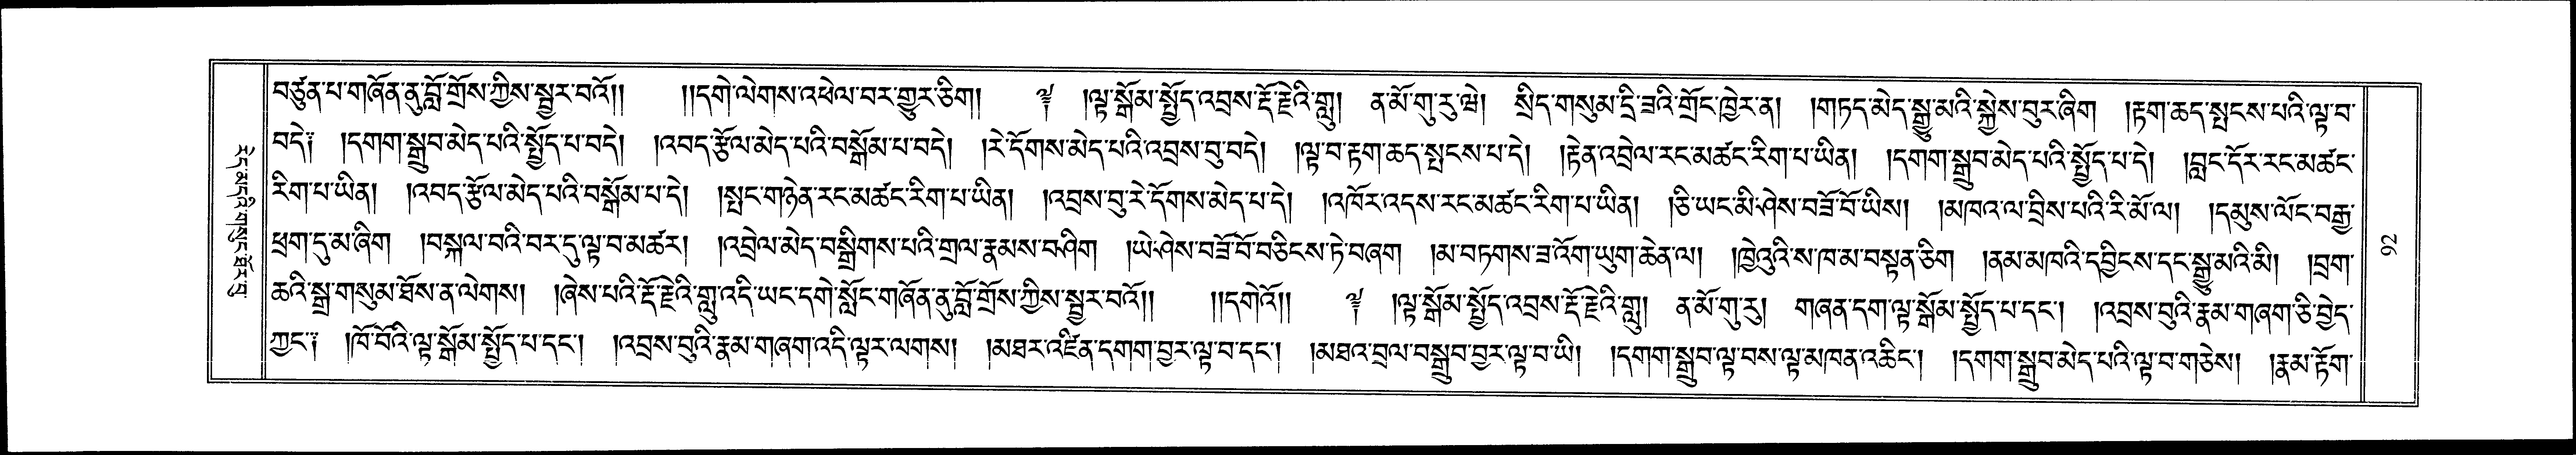བཙུན་པ་གཞོན་ནུ་བློ་གྲོས་ཀྱིས་སྦྱར་བའོ།། །།དགེ་ལེགས་འཕེལ་བར་གྱུར་ཅིག། ༈ །ལྟ་སྒོམ་སྤྱོད་འབྲས་རྡོ་རྗེའི་གླུ། ན་མོ་གུ་རུ་ཝེ། སྲིད་གསུམ་དྲི་ཟའི་གྲོང་ཁྱེར་ན། །གཏད་མེད་སྒྱུ་མའི་སྐྱེས་བུར་ཞིག །རྟག་ཆད་སྤངས་པའི་ལྟ་བ་
བདེ། །དགག་སྒྲུབ་མེད་པའི་སྤྱོད་པ་བདེ། །འབད་རྩོལ་མེད་པའི་བསྒོམ་པ་བདེ། །རེ་དོགས་མེད་པའི་འབྲས་བུ་བདེ། །ལྟ་བ་རྟག་ཆད་སྤངས་པ་དེ། །རྟེན་འབྲེལ་རང་མཚང་རིག་པ་ཡིན། །དགག་སྒྲུབ་མེད་པའི་སྤྱོད་པ་དེ། །བླང་དོར་རང་མཚང་
རིག་པ་ཡིན། །འབད་རྩོལ་མེད་པའི་བསྒོམ་པ་དེ། །སྤང་གཉེན་རང་མཚང་རིག་པ་ཡིན། །འབྲས་བུ་རེ་དོགས་མེད་པ་དེ། །འཁོར་འདས་རང་མཚང་རིག་པ་ཡིན། །ཅི་ཡང་མི་ཤེས་བཟོ་བོ་ཡིས། །མཁའ་ལ་བྲིས་པའི་རི་མོ་ལ། །དམུས་ལོང་བརྒྱ་
ཕྲག་དུ་མ་ཞིག །བསྐལ་བའི་བར་དུ་ལྟ་བ་མཚར། །འབྲེལ་མེད་བསྒྲིགས་པའི་གྲལ་རྣམས་བཤིག །ཡེ་ཤེས་བཟོ་བོ་བཅིངས་ཏེ་བཞག །མ་བཏགས་ཟ་འོག་ཡུག་ཆེན་ལ། །ཁྱེའུའི་ས་ཁ་མ་བསྟན་ཅིག །ནམ་མཁའི་དབྱིངས་དང་སྒྱུ་མའི་མི། །བྲག་
ཆའི་སྒྲ་གསུམ་ཐོས་ན་ལེགས། །ཞེས་པའི་རྡོ་རྗེའི་གླུ་འདི་ཡང་དགེ་སློང་གཞོན་ནུ་བློ་གྲོས་ཀྱིས་སྦྱར་བའོ།། །།དགེའོ།། ༈ །ལྟ་སྒོམ་སྤྱོད་འབྲས་རྡོ་རྗེའི་གླུ། ན་མོ་གུ་རུ། གཞན་དག་ལྟ་སྒོམ་སྤྱོད་པ་དང་། །འབྲས་བུའི་རྣམ་གཞག་ཅི་བྱེད་
ཀྱང་། །ཁོ་བོའི་ལྟ་སྒོམ་སྤྱོད་པ་དང་། །འབྲས་བུའི་རྣམ་གཞག་འདི་ལྟར་ལགས། །མཐར་འཛིན་དགག་བྱར་ལྟ་བ་དང་། །མཐའ་བྲལ་བསྒྲུབ་བྱར་ལྟ་བ་ཡི། །དགག་སྒྲུབ་ལྟ་བས་ལྟ་མཁན་འཆིང་། །དགག་སྒྲུབ་མེད་པའི་ལྟ་བ་གཅེས། །རྣམ་རྟོག་